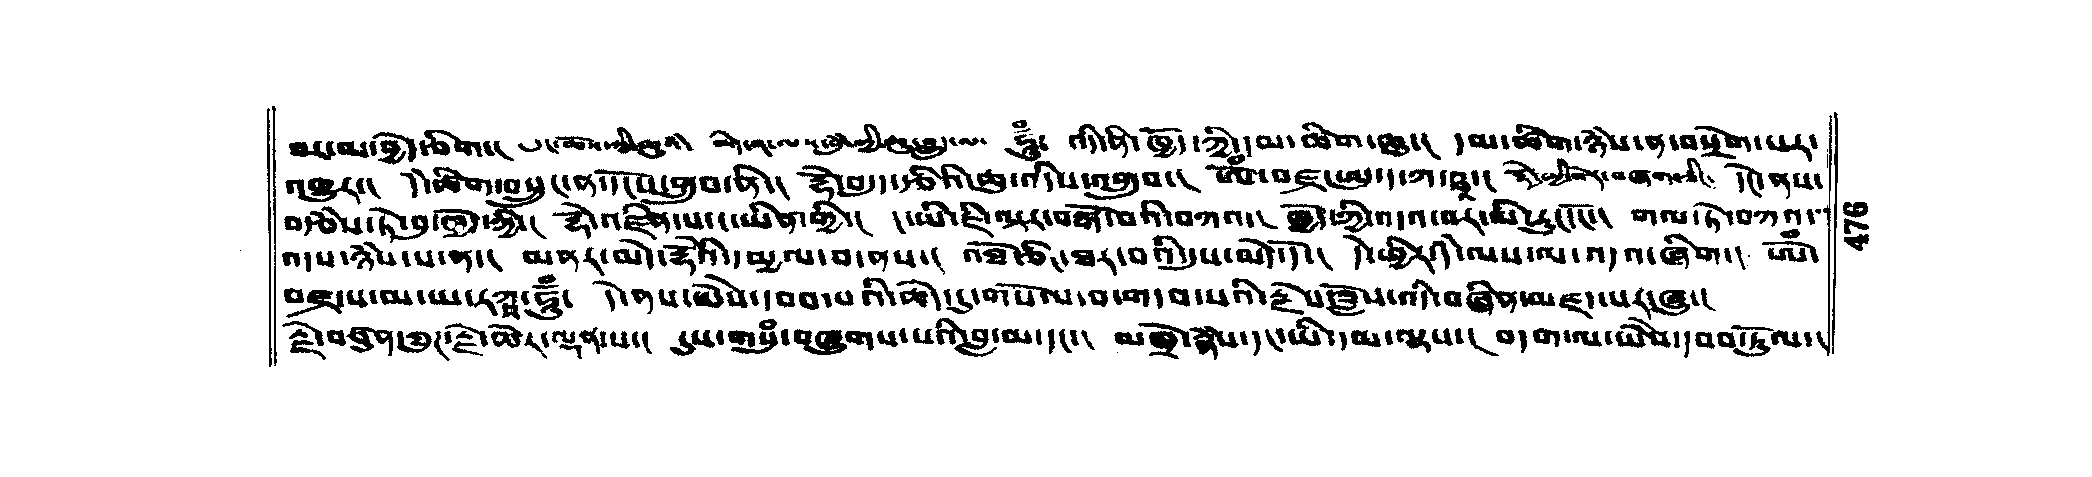བར་མ་བྱེད་ཅིག་དུང་ཆོས་ཀྱི་ཆུའམ། མེད་ན་ལས་བུམ་གྱི་ཆུ་བླུད་ལ། ཧཱུྂ། འདི་ནི་ཁྱོད་ཀྱི་དམ་ཚིག་ཆུ། །དམ།ཚིག་ཉམས་ན་བསྲེག་པར་
འགྱུར། །དམ་ཚིག་བསྲུང་ན་དངོས་གྲུབ་ནི། །རྡོ་རྗེ་་བདུད་རྩིའི་ཆུ་འདིས་འགྲུབ། །ཨོྃ་བཛྲ་ཨུ་ད་ཀ་རཱ།རྡོ་རྗེ་སྤྱི་བོར་བཞག་ཅིང་། དེང་ནས་
བརྩམས་ཏེ་བུ་ཁྱོད་ཀྱི། །རྡོ་རྗེ་འཛིན་པ་ང་ཡིན་གྱི། །ང་ཡི་ཇི་ལྟར་བསྒོ་བའི་བཀའ། །ཁྱོད་ཀྱི་འདའ་བར་མི་རུང་ངོ་། གལ་ཏེ་བཀའ་ལས་
འདས་ཉམས་པ་ན། །མནར་མེད་རྡོ་རྗེའི་དམྱལ་བ་ནས། །འཐོན་ཅིང་ཐར་བའི་དུས་མེད་དོ། །དེ་ཕྱིར་དམ་ལས་མ་འདའ་ཞིག་།ཨོྃ་
བཛྲ་ས་མ་ཡ་རཀར་ཧཱུྂ། དེ་ནས་ཡེ་ཤེས་པ་དབབ་པའི་ཆེད་དུ་གསོལ་བ་གདབ་པའི་རྗེས་ཟློས་འདི་བཞིན་མཛད་པར་ཞུ། 
རྗེ་བཙུན་ཐུགས་རྗེ་ཆེར་ལྡན་པ། །དུས་གསུམ་བཞུགས་པའི་བླ་མ་དང་། །མཁའ་འགྲོ་རྣམས་དང་ཡི་དམ་ལྷས། བདག་ལ་ཡེ་ཤེས་དབབ་ཏུ་གསོལ། །